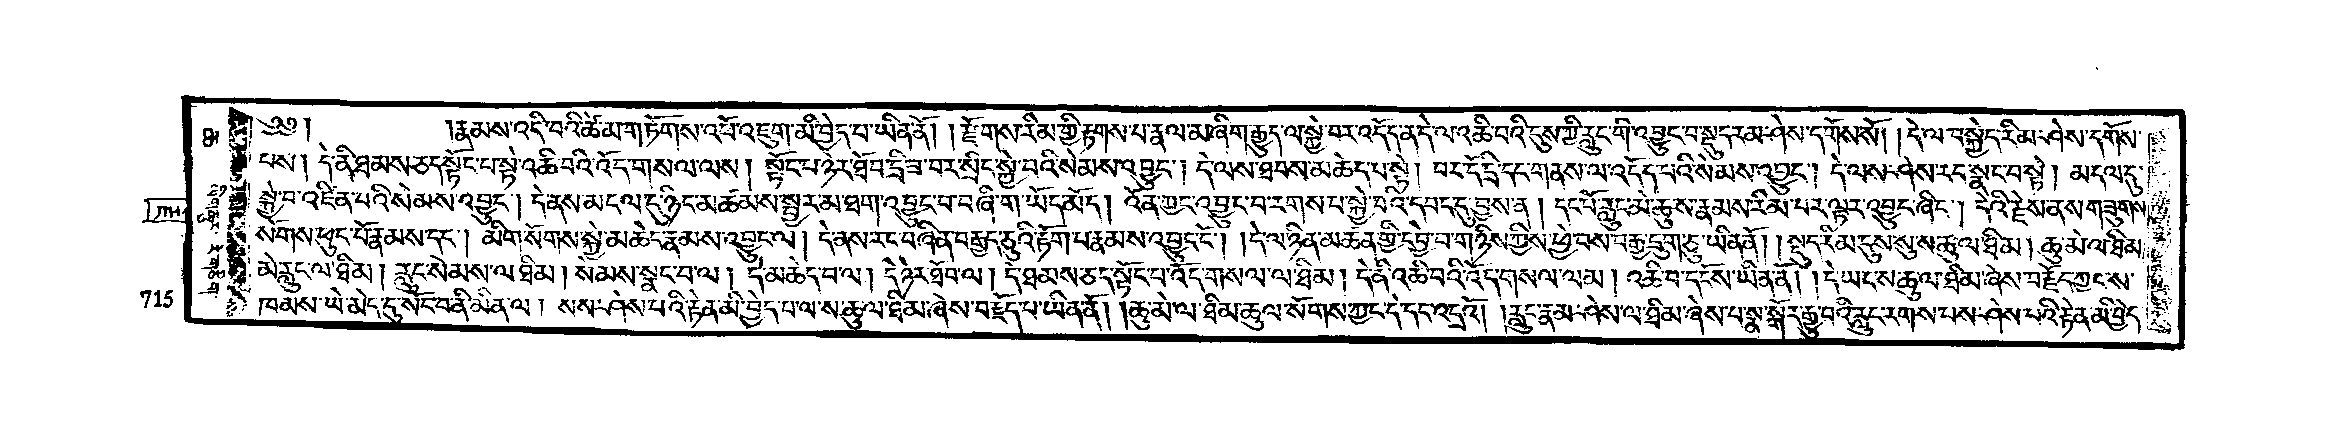༄༅། །རྣམས་འཆི་བའི་ཚེ་མ་གཏོགས་འཕོ་འཇུག་མི་བྱེད་པ་ཡིན་ནོ། །རྫོགས་རིམ་གྱི་རྟགས་པ་རྣལ་མ་ཞིག་རྒྱུད་ལ་སྐྱེ་བར་འདོད་ན་དེ་ལ་འཆི་བའི་དུས་ཀྱི་རླུང་གི་འབྱུང་བ་སྡུད་རིམ་ཤེས་དགོས་སོ། །དེ་ལ་བསྐྱེད་རིམ་ཤེས་དགོས་
པས། དེ་ནི་ཐམས་ཅད་སྟོང་པ་སྟེ་འཆི་བའི་འོད་གསལ་ལས། སྟོང་པ་ཉེར་ཐོབ་དྲི་ཟ་བར་སྲིད་སྐྱེ་བའི་སེམས་འབྱུང་། དེ་ལས་ཐབས་མཆེད་པ་སྟེ། བར་དོ་དྲི་དང་གནས་ལ་འདོད་པའི་སེམས་འབྱུང་། དེ་ལས་ཤེས་རང་སྣང་བ་སྟེ། མངལ་དུ་
སྐྱེ་བ་འཛིན་པའི་སེམས་འབྱུང་། དེ་ནས་མངལ་དུ་ཉིད་མཚམས་སྦྱར་མ་ཐག་འབྱུང་བ་བཞི་ག་ཡོད་མོད། འོན་ཀྱང་འབྱུང་བ་རགས་པ་སྐྱེ་བའི་དབང་དུ་བྱས་ན། དང་པོ་རླུང་མེ་ཆུ་ས་རྣམས་རིམ་པར་ལྟར་འབྱུང་ཞིང་། དེའི་རྗེས་ནས་གཟུགས་
སོགས་ཕུང་པོ་རྣམས་དང་། མིག་སོགས་སྐྱེ་མཆེད་རྣམས་འབྱུང་ལ། དེ་ནས་རང་བཞིན་བརྒྱད་ཅུའི་རྟོག་པ་རྣམས་འབྱུང་ངོ། །དེ་ལ་ཉིན་མཚན་གྱི་དབྱེ་བ་གཉིས་ཀྱིས་ཕྱེ་བས་བརྒྱ་དྲུག་ཅུ་ཡིན་ནོ། །སྡུད་རིམ་དུས་སུ་ས་ཆུ་ལ་ཐིམ། ཆུ་མེལ་ཐིམ།
མེ་རླུང་ལ་ཐིམ། རླུང་སེམས་ལ་ཐིམ། སེམས་སྣང་བ་ལ། དེ་མཆེད་པ་ལ། དེ་ཉེར་ཐོབ་ལ། དེ་ཐམས་ཅད་སྟོང་པ་འོད་གསལ་ལ་ཐིམ། དེ་ནི་འཆི་བའི་འོད་གསལ་ལམ། འཆི་བ་དངོས་ཡིན་ནོ། །དེ་ཡང་ས་ཆུ་ལ་ཐིམ་ཞེས་བརྗོད་ཀྱང་ས་
ཁམས་ཡེ་མེད་དུ་སོང་བ་ནི་མིན་ལ། སས་ཤེས་པའི་རྟེན་མི་བྱེད་པ་ལ་ས་ཆུ་ལ་ཐིམ་ཞས་བརྗོད་པ་ཡིན་ནོ། །ཆུ་མེ་ལ་ཐིམ་ཆུལ་སོགས་ཀྱང་དེ་དང་འདྲའོ། །རླུང་རྣམ་ཤེས་ལ་ཐིམ་ཞེས་པ་སྣ་སྒོར་རྒྱུ་བའི་རླུང་རགས་པས་ཤེས་པའི་རྟེན་མི་བྱེད་